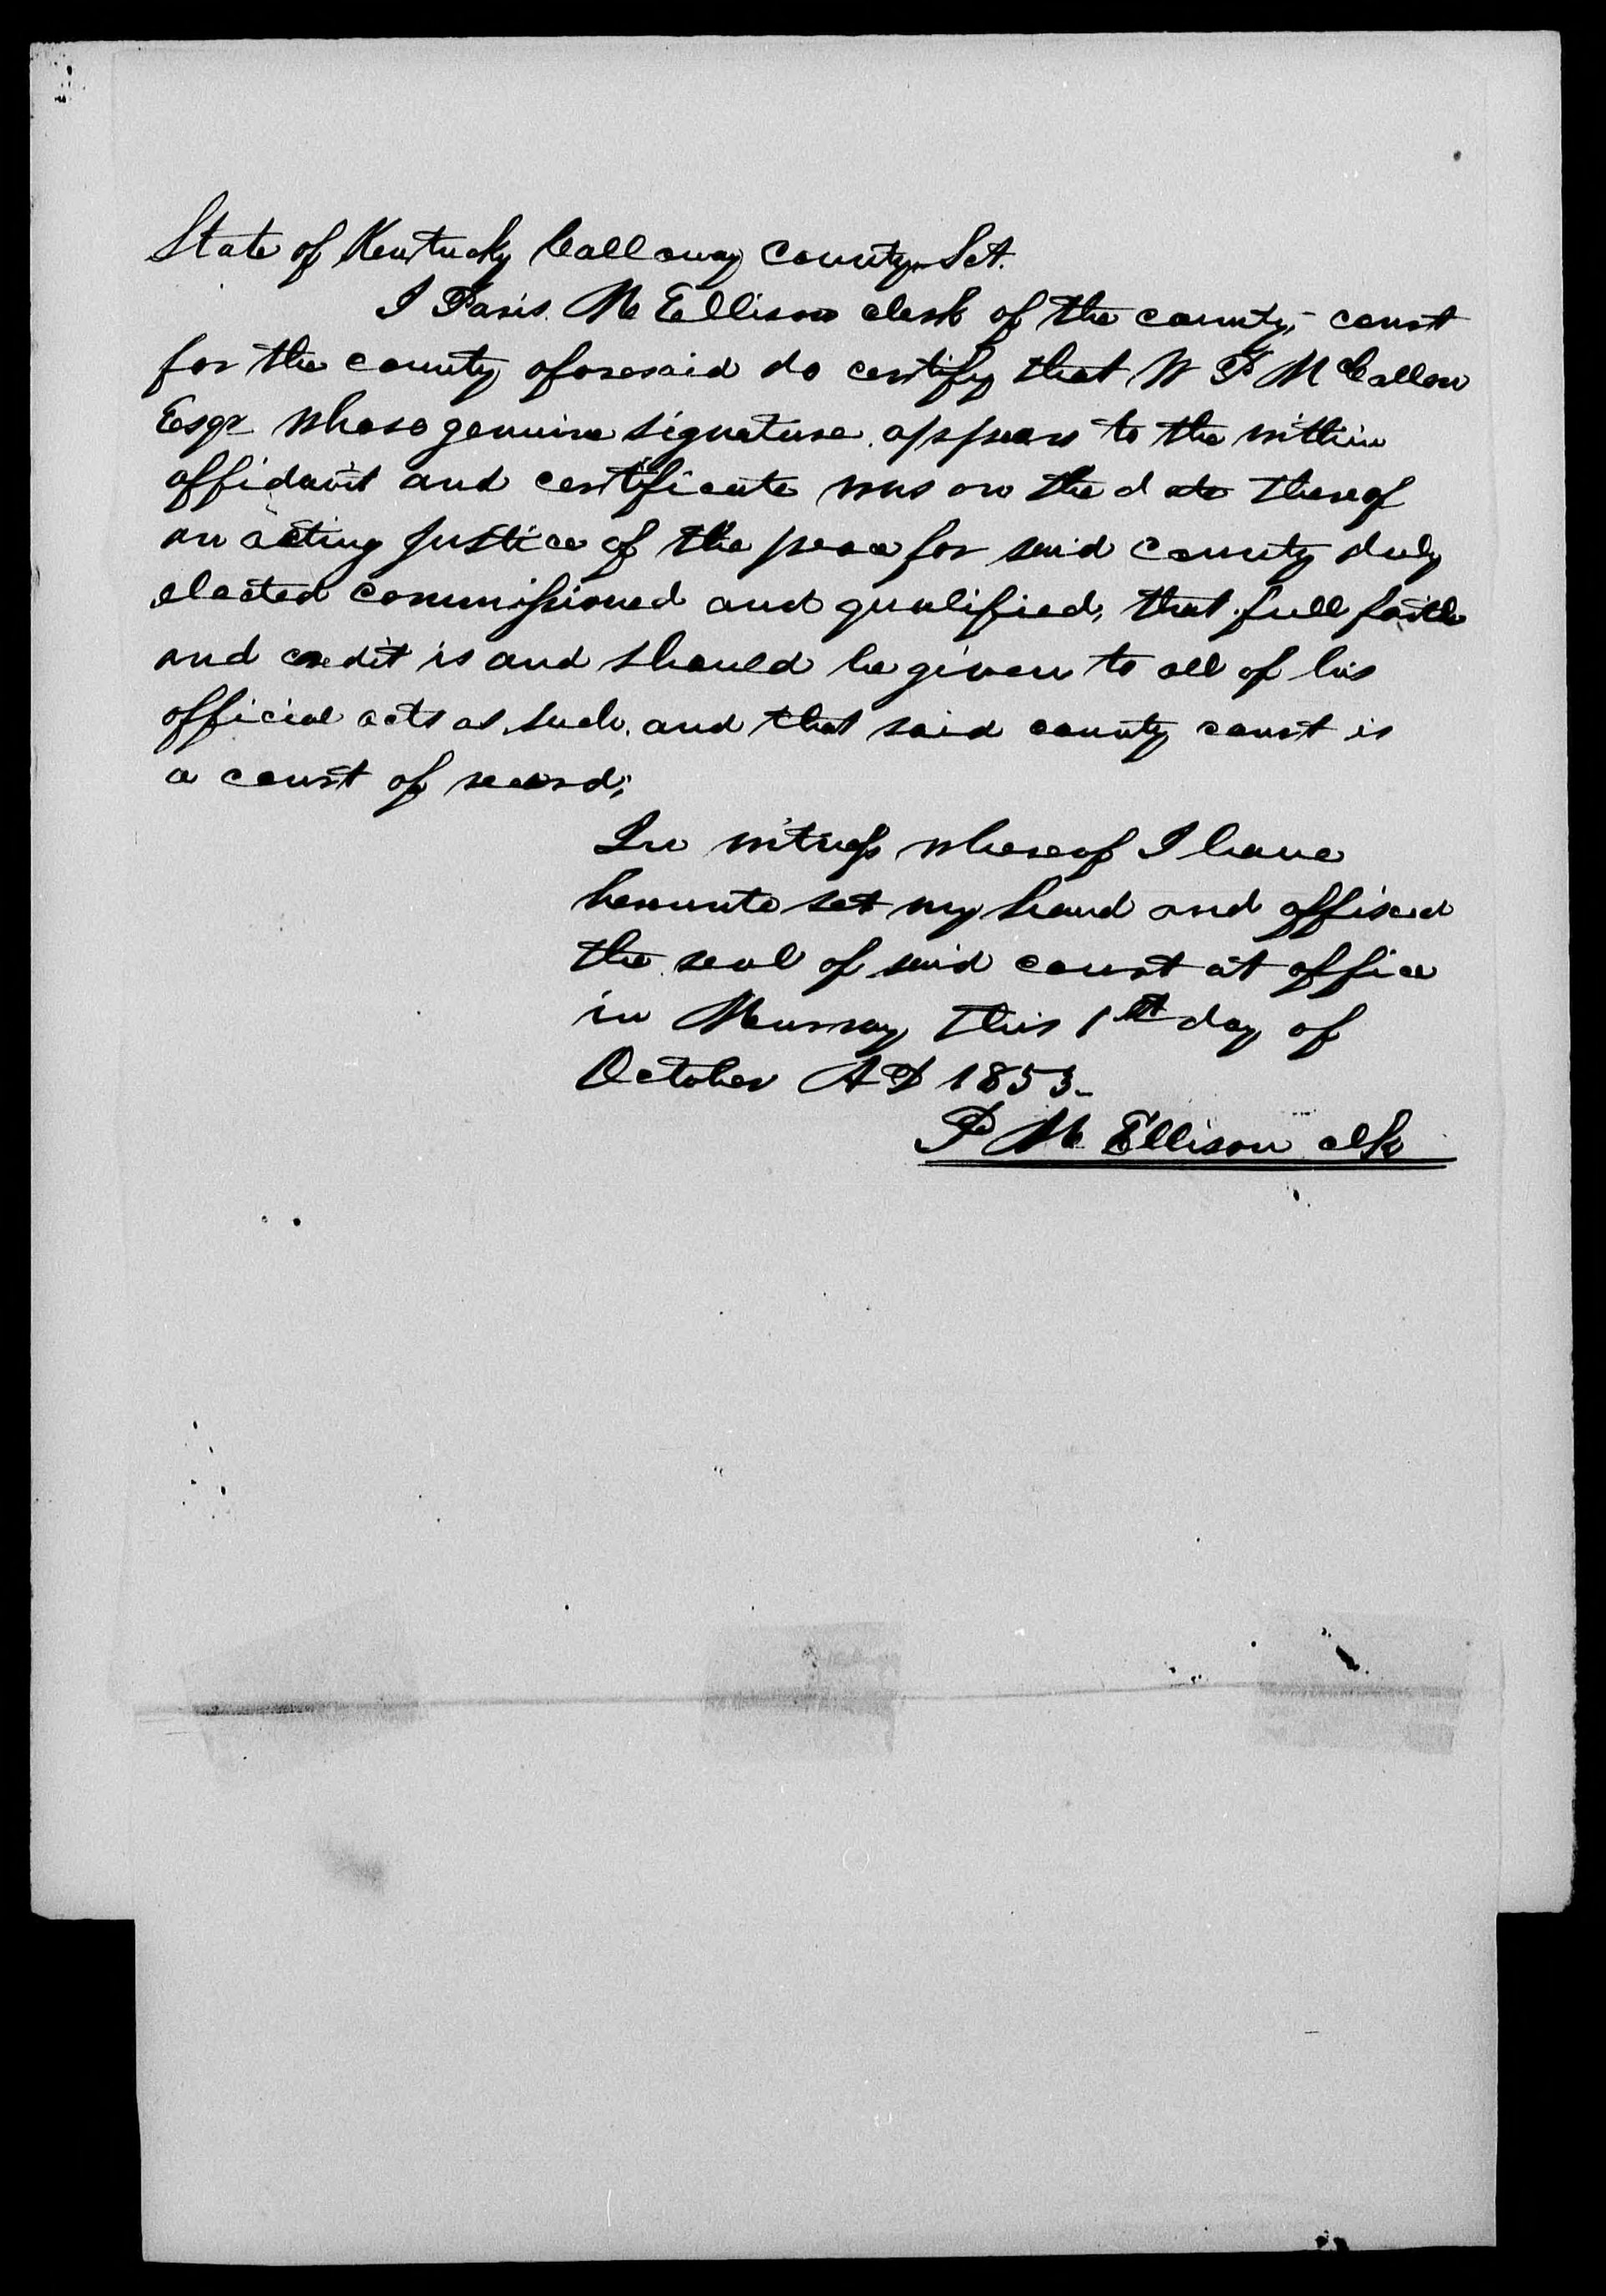State of Kentucky Calloway County

I Paris M Ellison clerk of the county court for the county aforesaid do certify that W P McCallon Esqr whose genuine signature appears to the within affidavit and certificate was on the date thereof an acting Justice of the Peace for said county duly elected commissioned and qualified that full faith and credit is and should be given to all of his official acts as such and that said county  which is a court of record.

In witness whereof I have hereunto set my hand and affixed the seal of said court at office in Murray this 1st day of October AD 1853.

P M Ellison clk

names: P M Ellison, W P Mc Callon, Paris M Ellison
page: 36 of 51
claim: widow's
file: W. 27,409, William Dunnington, Md.